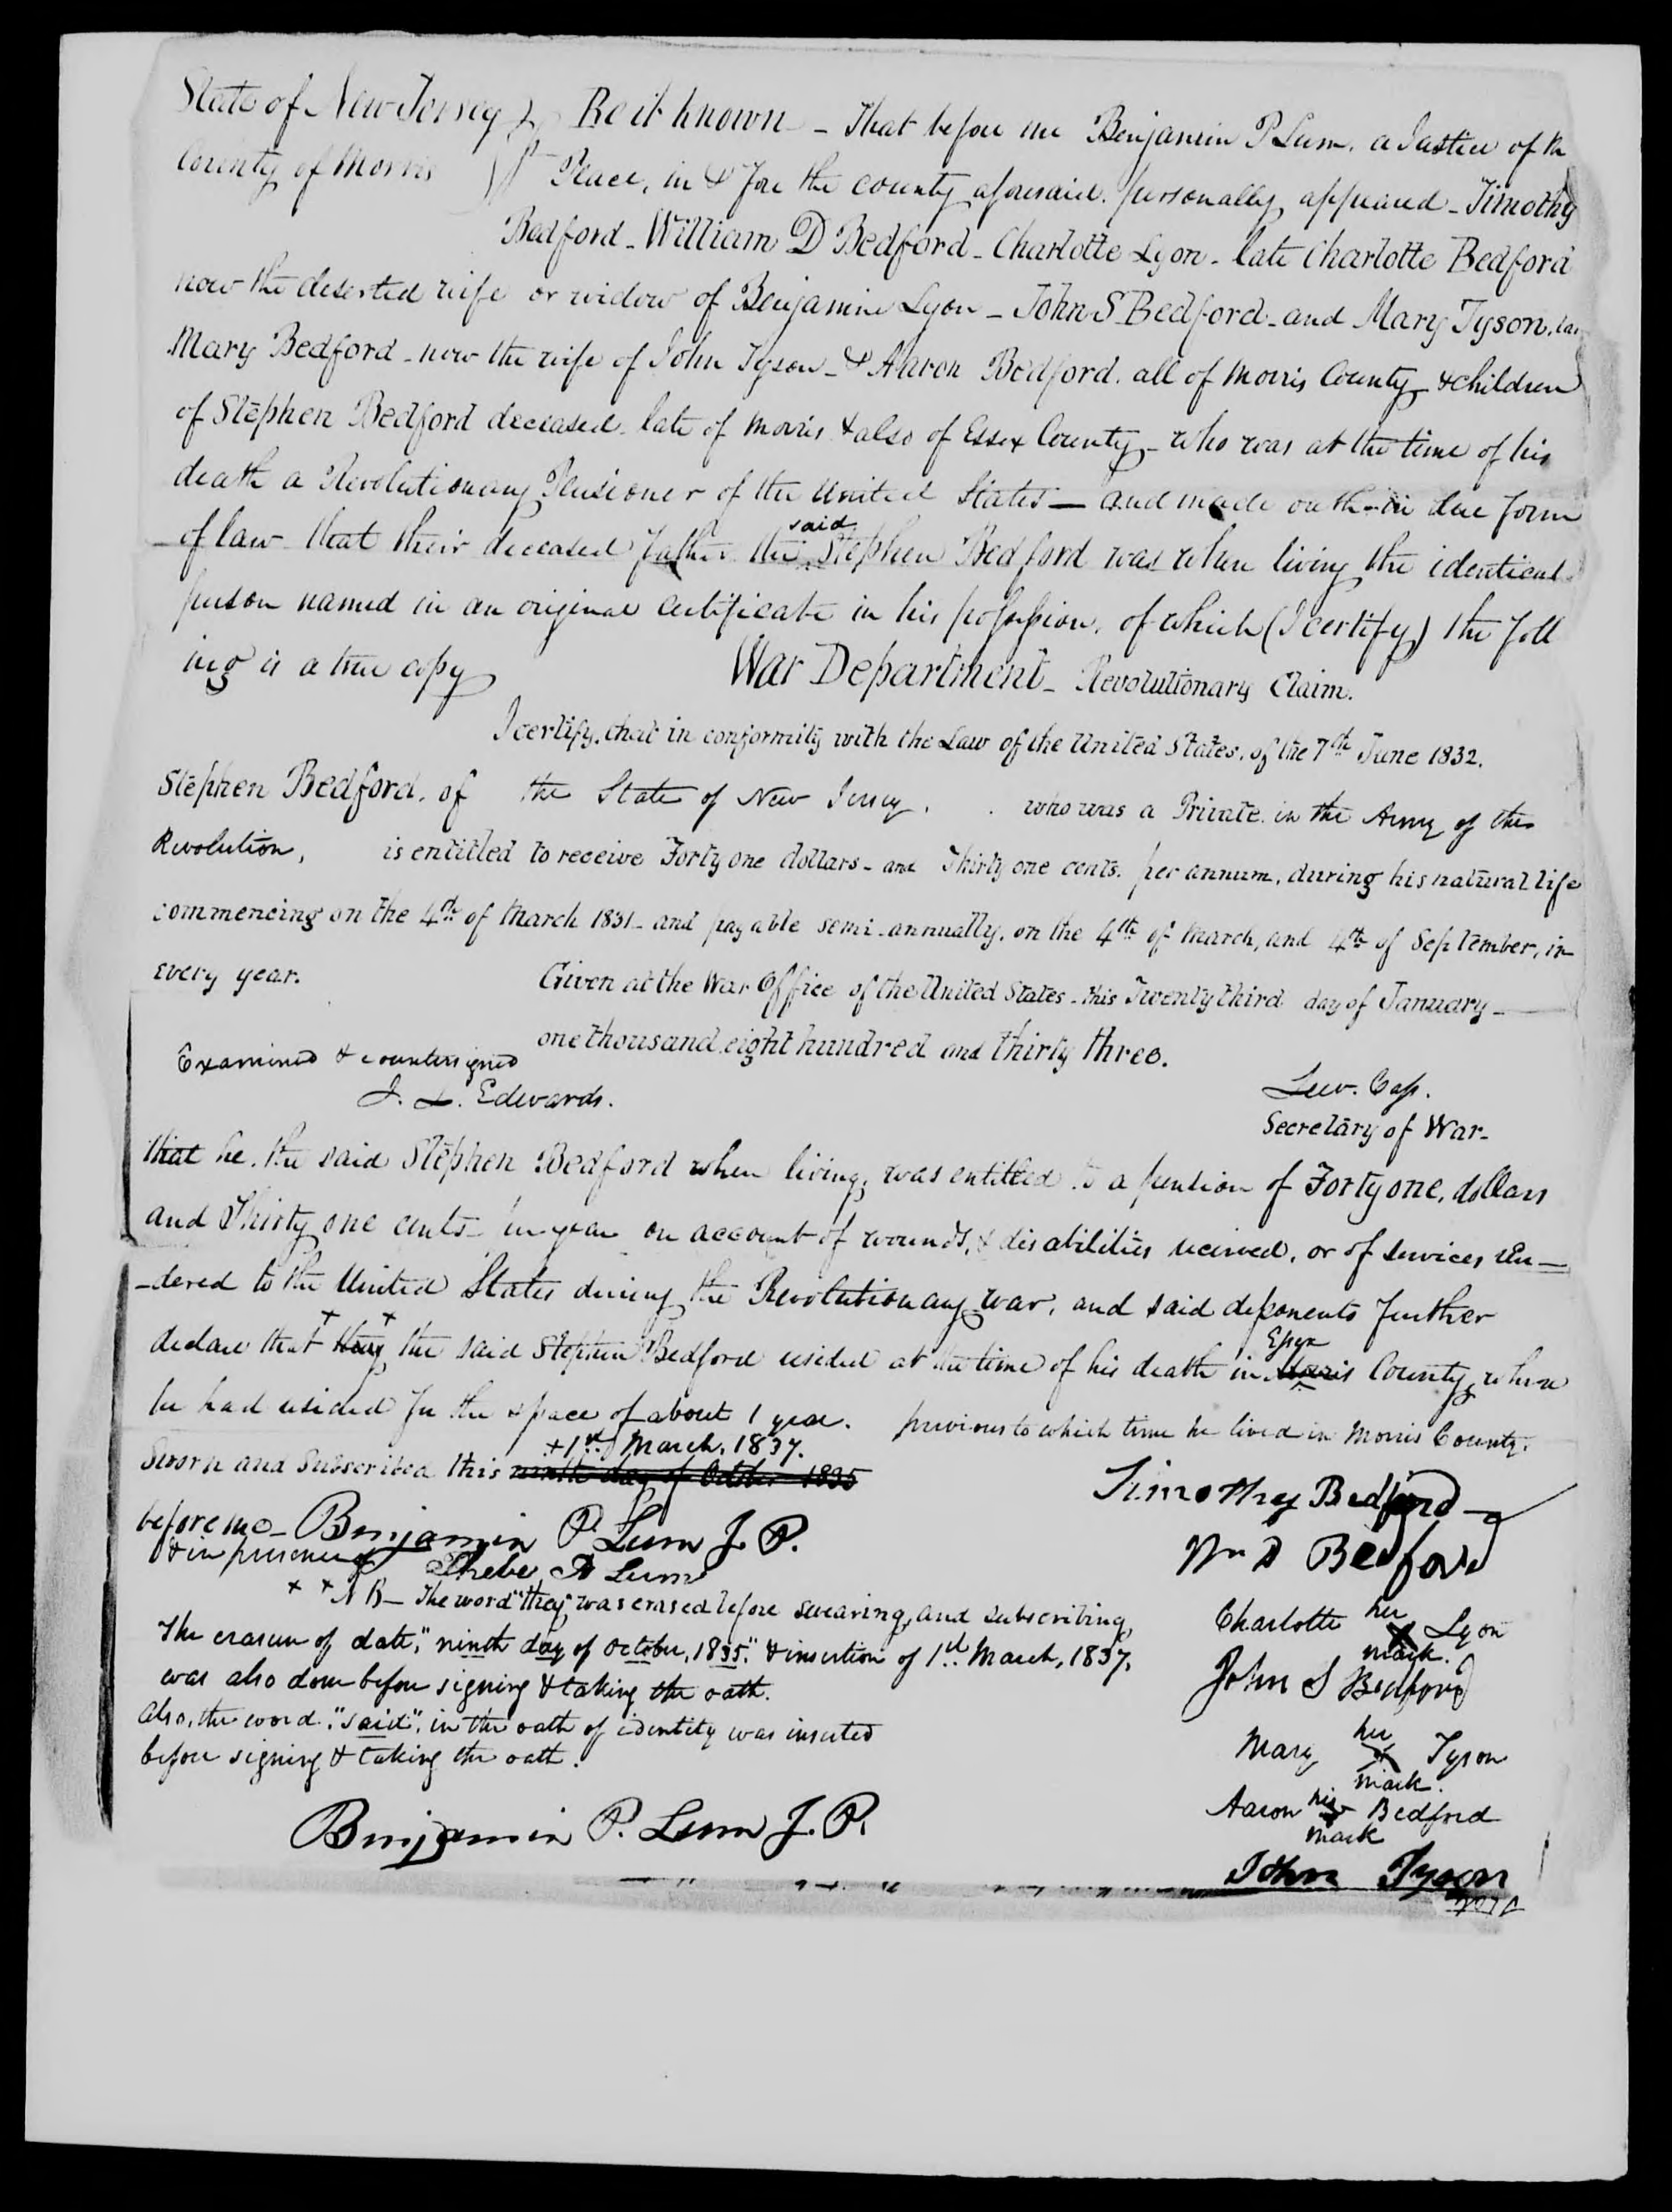State of New Jersey} 
County of Morris} Ss
Be it known - That before  me Benjamin P Lum, a Justice of the Peace, in & for the county aforesaid, personally, appeared Timothy Bedford - William D Bedford - Charlotte Lyon late Charlotte Bedford now the deserted wife or widow of Benjamin Lyon - John S Bedford and Mary Tyson, late Mary Bedford - now the wife of John Tyson - & Aaron Bedford, all of Morris County, & children of Stephen Bedford deceased late of Morris & also of Essex County, who was at the time of his death a Revolutionary Pensioner of the United States - and made oath in due form of law - that their deceased father the said Stephen Bedford was when living the identical person named in an original certificate in his possession, of which (I certify) the foll[ow]ing is a true copy
War Department - Revolutionary Claim.
I certify, that in conformity with the Law of the United States, of the 7th June 1832, Stephen Bedford of the State of New Jersey who was a Private in the Army of the Revolution, is entitled to receive Forty one dollars and Thirty one cents per annum, during his natural life commencing on the 4th of March 1831 and payable semi annually, on the 4th of March, and 4th of September, in every year. Given at the War Office of the United States, this Twenty third day of January one thousand eight hundred and thirty three.
 Lew Cass
 Secretary of War
Examined & countersigned 
J. L. Edwards 
that he the said Stephen Bedford when living was entitled to a pension of Forty one dollars and Thirty one cents per year on account of wounds, & disabilities received, or of Services, rendered to the United States during the Revolutionary War, and said deponents further declare that [they -  crossed out] the said Stephen Bedford resided at the time of his death in Essex [Morris - crossed out] County, where he had resided for the space of about 1 year previous to which time he lived in Morris County.
  Timothy Bedford  Wm D Bedford  Charlotte Lyon her x mark  John S Bedford  Mary Lyon her x mark  Aaron Bedford his x mark  John Tyson
Sworn and Subscribed this 1st day March 1837. [ninth day of October 1835 - crossed out]
before me Benjamin P Lum J. P. 
& in presence Phebe A Lum
++ NB -The word "they" was erased before swearing and subscribing, The erasure of date, "ninth day of October, 1835," & insertion of 1st March, 1837, was also done before signing and taking the oath. Also, the word "said" in the oath of identity was inserted Mary her X mark Tyson
before signing & taking the oath. 
  Benjamin P. Lum J. P.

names: Lew Cass, John Tyson, Benjamin P Lum, Stephen Bedford, Stephen Bedford, Mary Tyson, Benjamin P Lum, Benjamin Lyon, Charlotte Bedford, J L Edwards, Stephen Bedford, John S Bedford, Phebe A Lum, Benjamin P Lum, Wm D Bedford, Mary Tyson, Charlotte Lyon, Stephen Bedford, Aaron Bedford, Mary Bedford, John Tyson, Charlotte Lyon, Stephen Bedford, Timothy Bedford, Timothy Bedford, William D Bedford, Aaron Bedford, John S Bedford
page: 7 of 31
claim: survivor's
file: S. 2372, Stephen Bedford, New Jersey